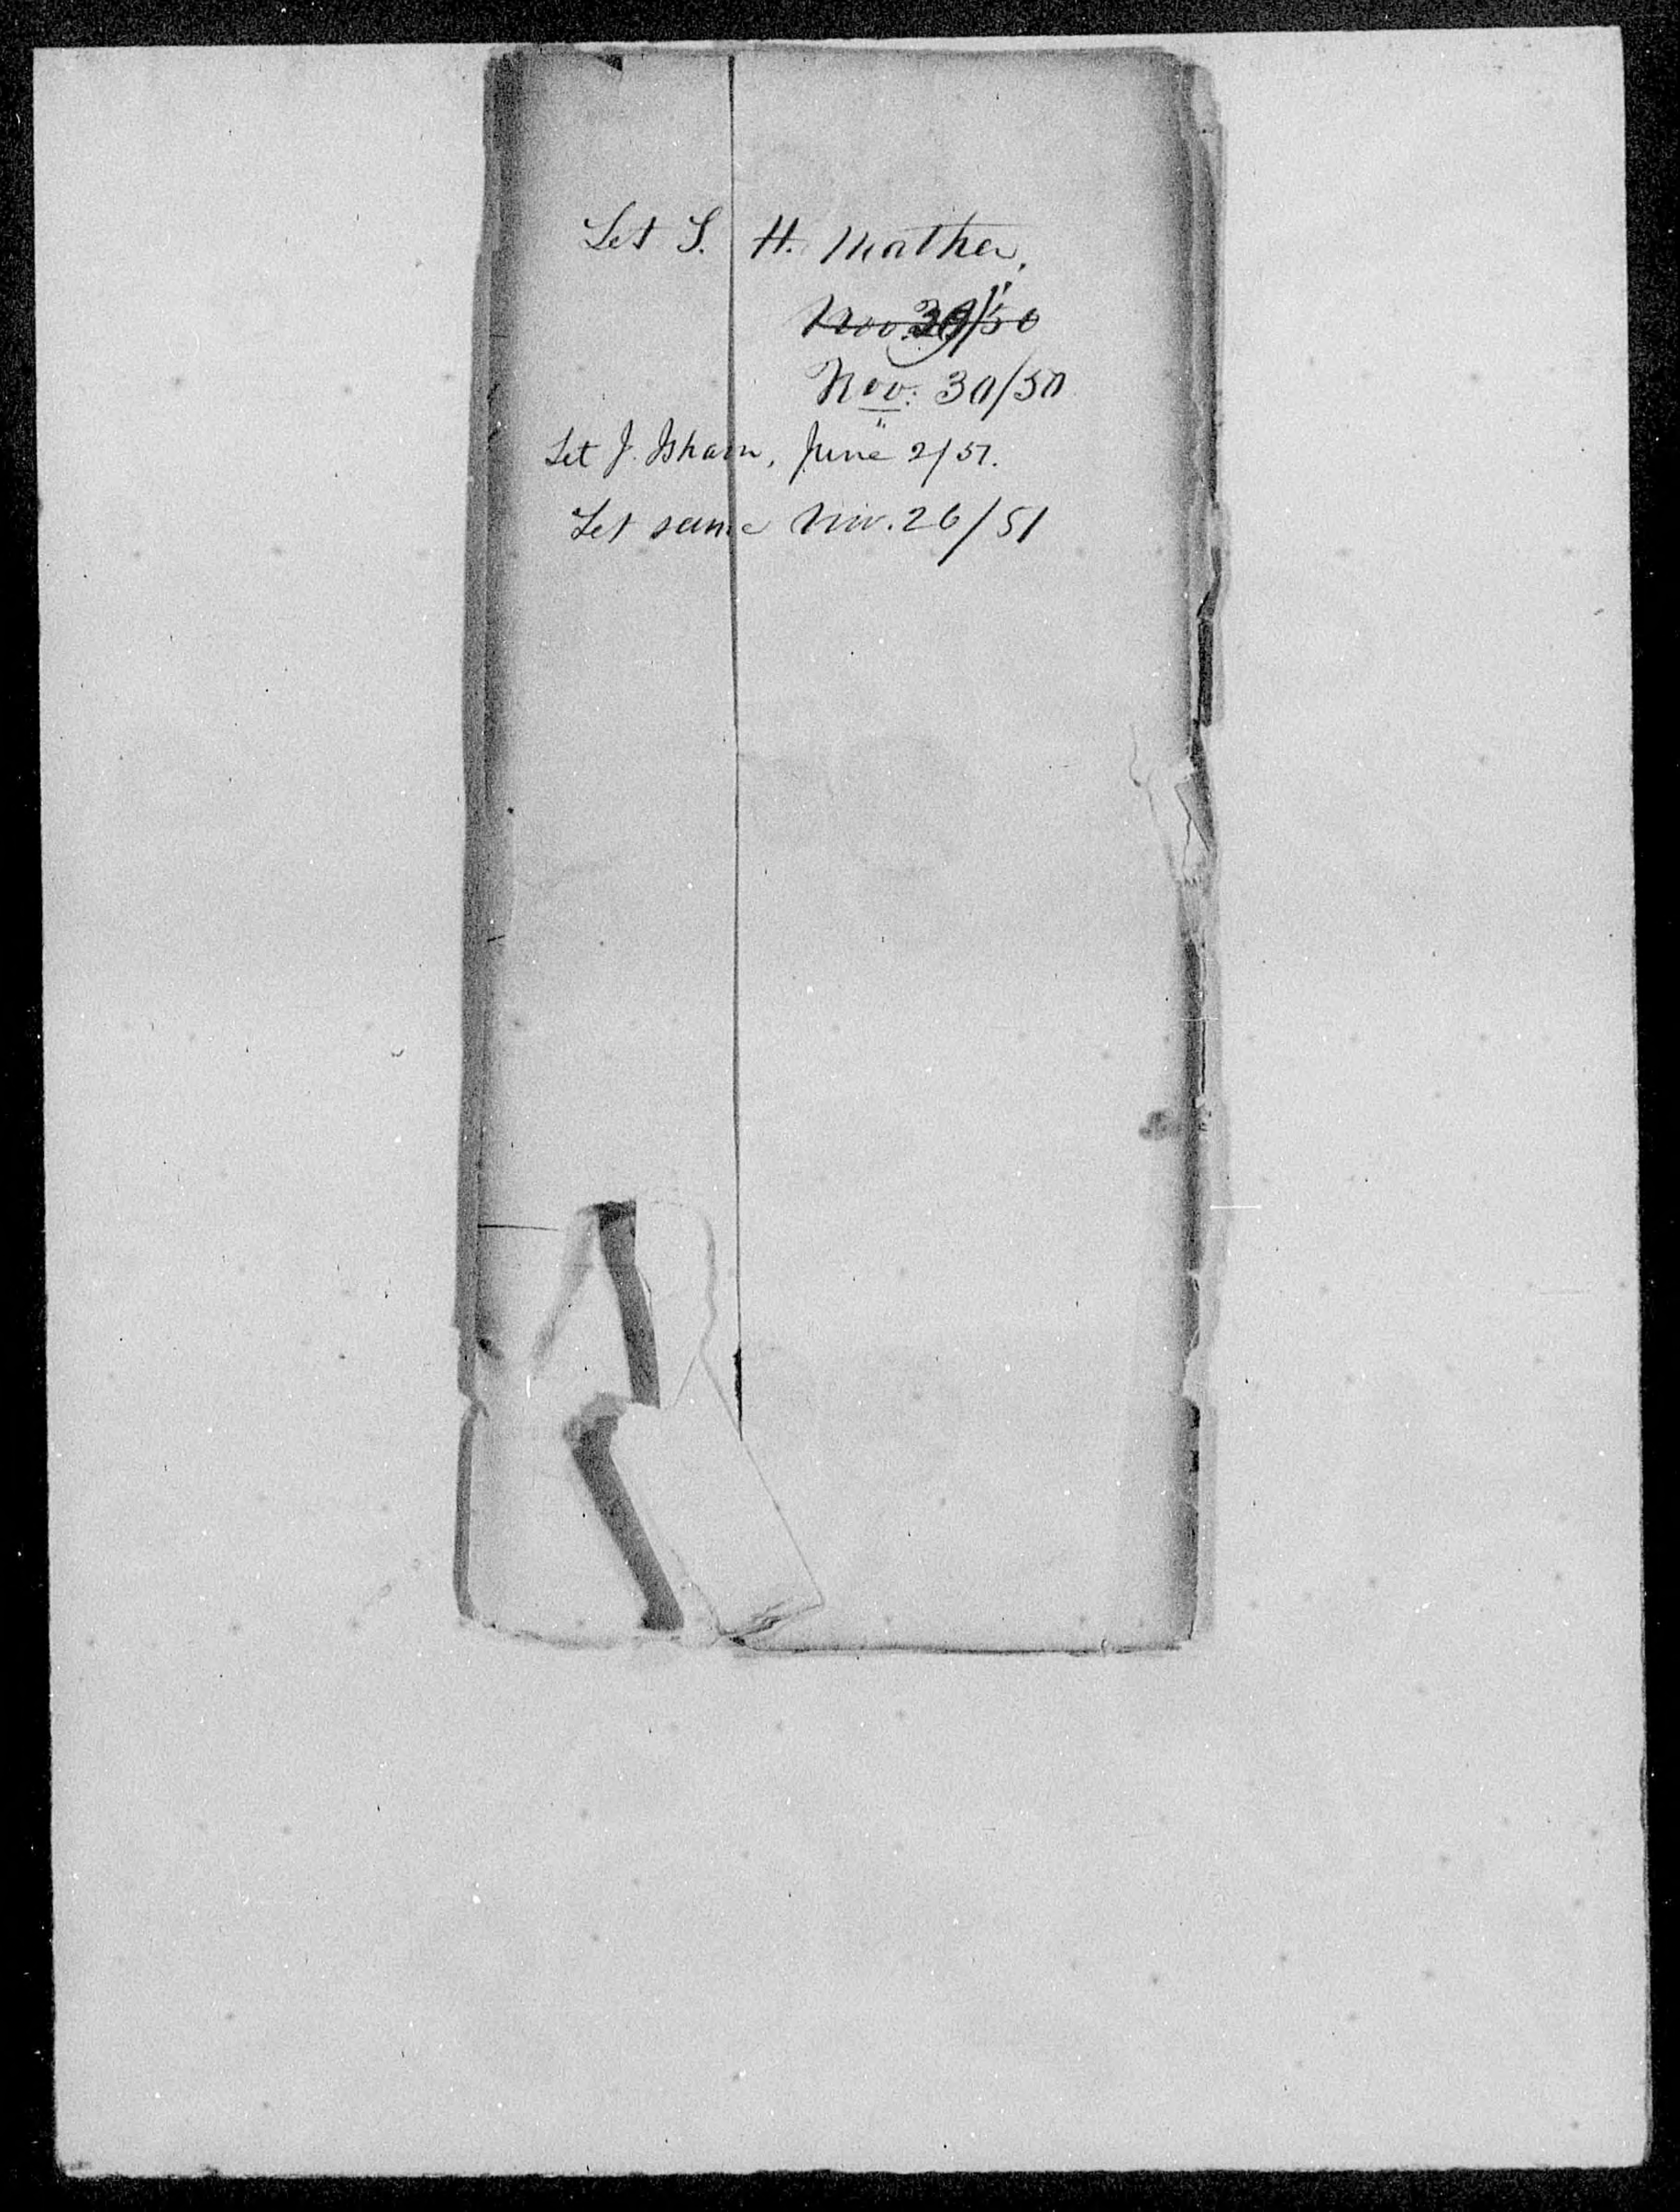Let S. H.  Mather.
Nov. 30/50

Let J. Iham, June 2/57.

Let same Nov 26/51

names: J Isham, S H Mather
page: 3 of 53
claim: rejected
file: R. 3732, Jesse Fox, Conn.